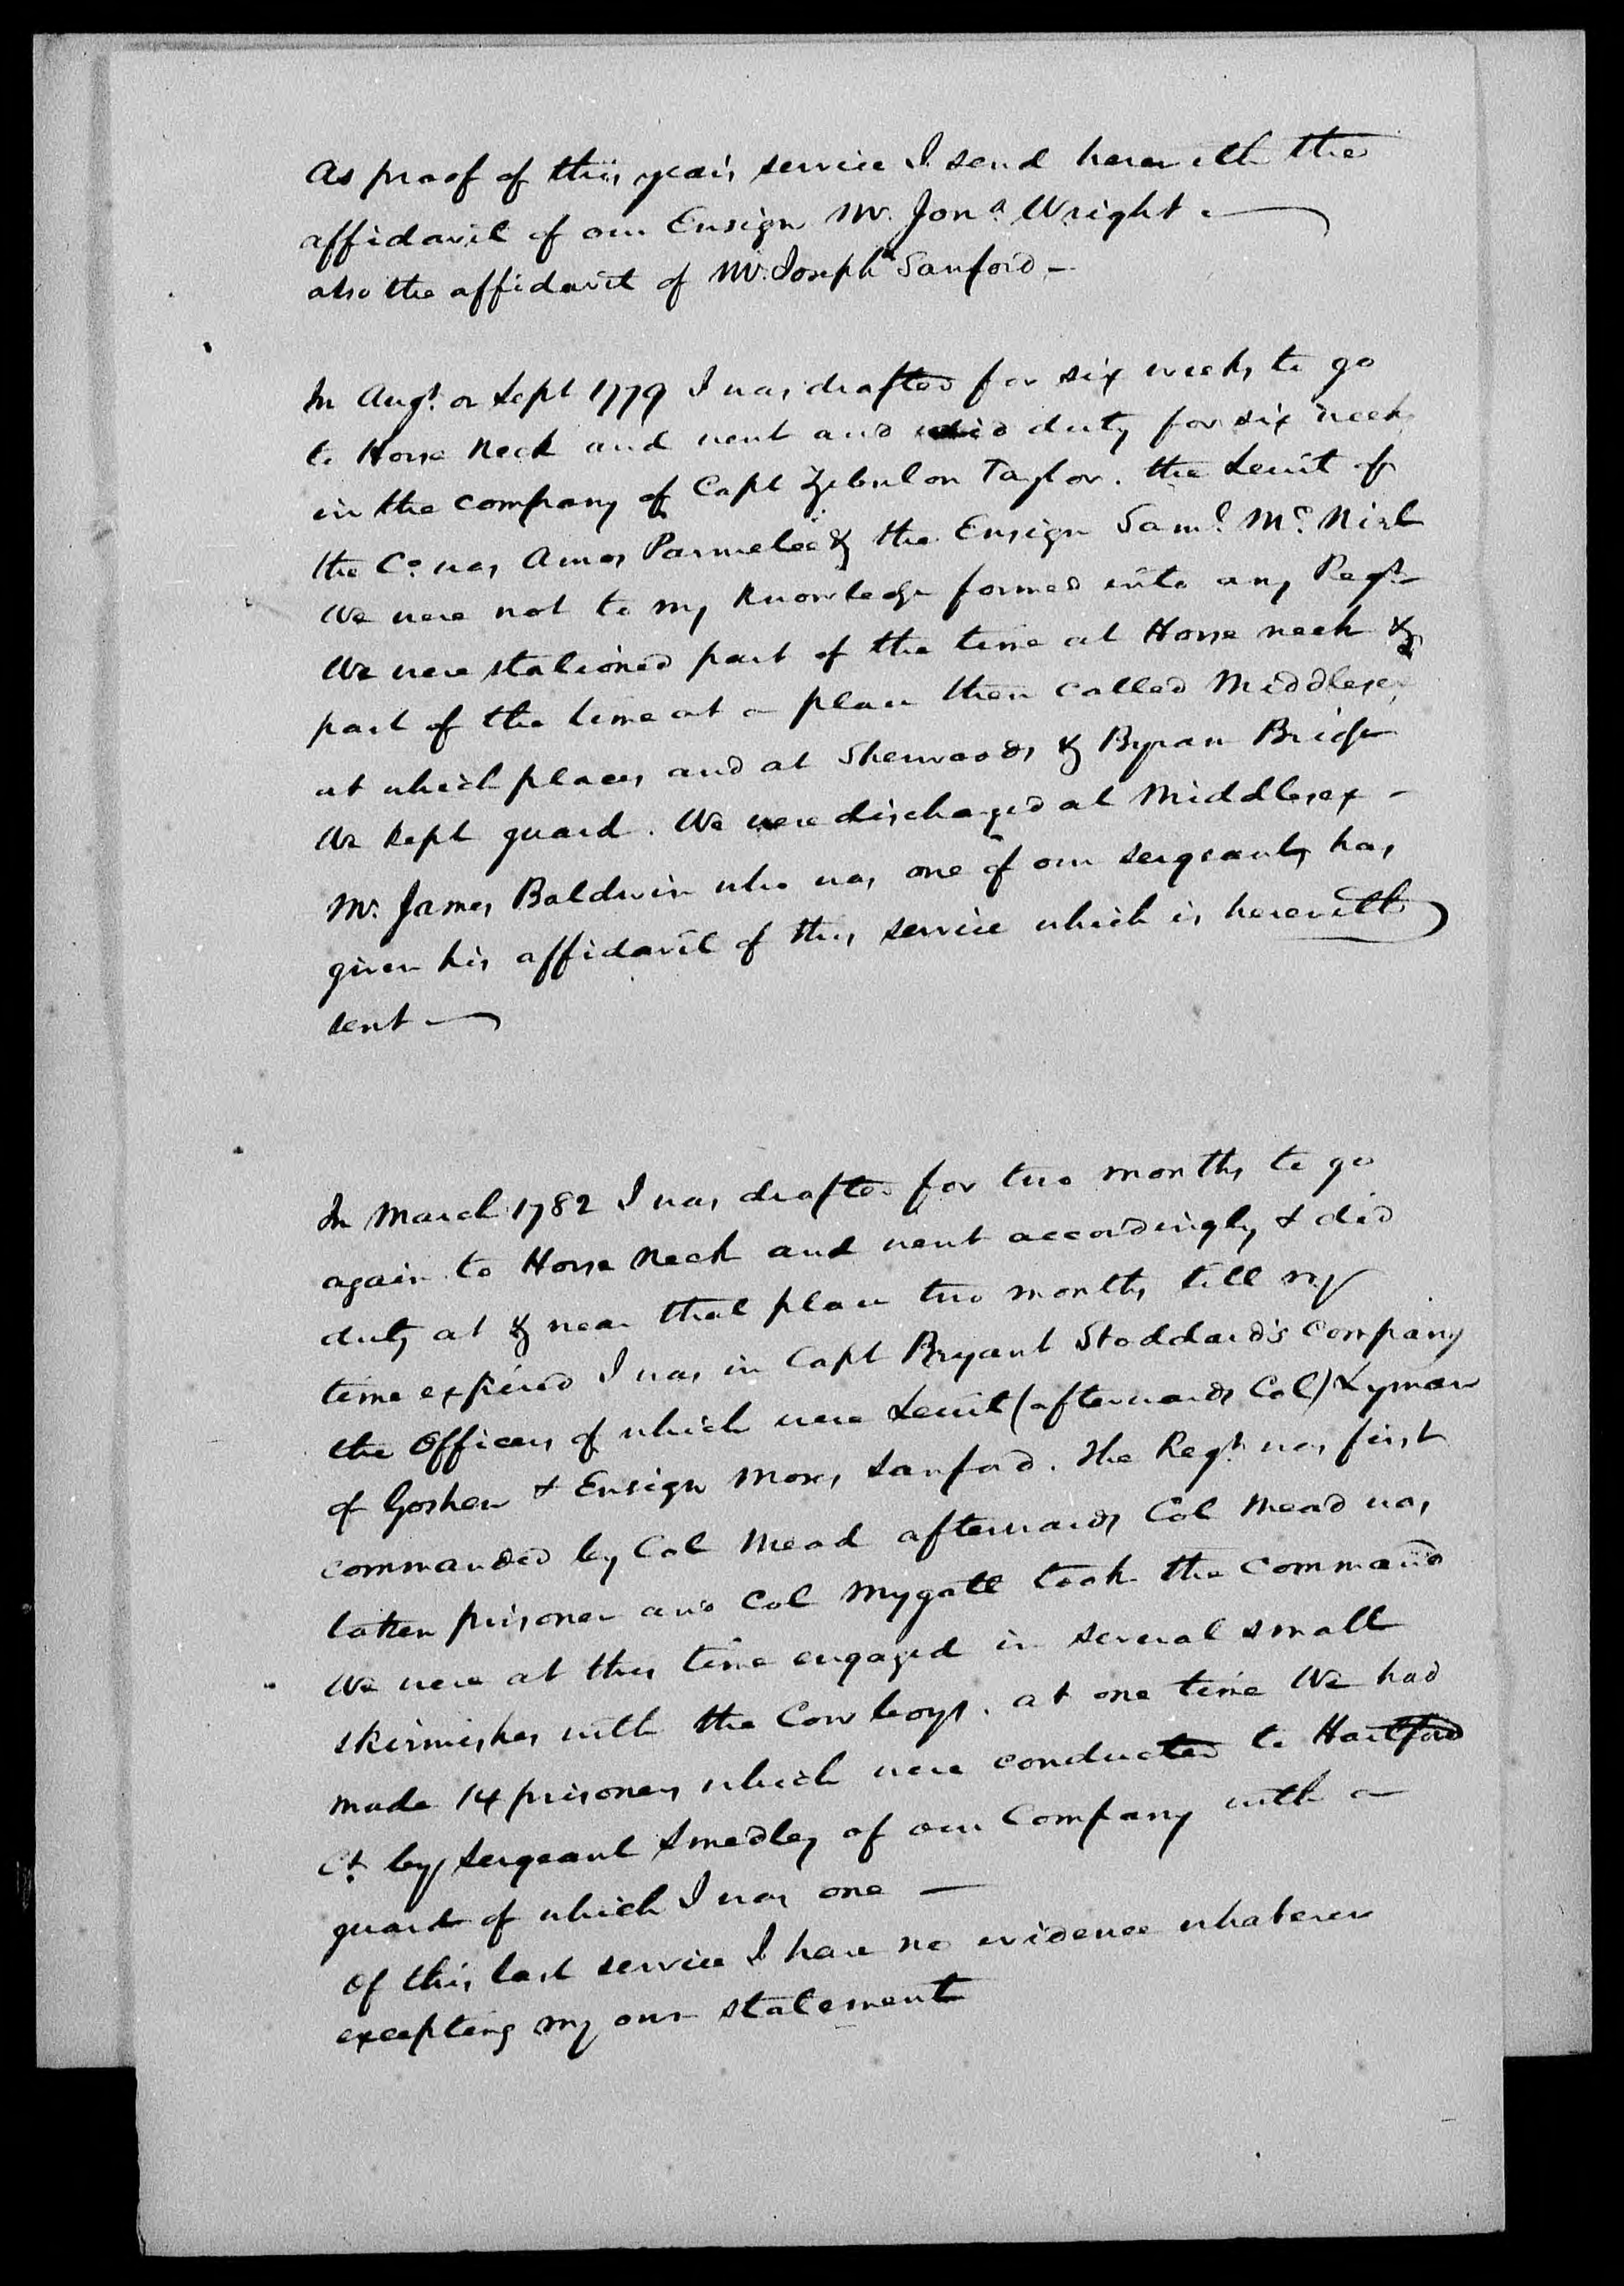As proof of this year's service I send herewith the affidavit of our Ensign Mr Joha Wright - also the affidavit of Mr. Joseph Sanford.
In Augt or Sept 1779 I was drafted for six weeks to go to Horse Neck and went and recd duty for six weeks in the company of Capt Zebulon Taylor, the Lieut of the Co(illegible) Amer Parmeloc & the Ensign Saml McMish. We were not to my knowledge formed into any Regt. We were stationed part of the time at Horse Neck & part of the time at a place then called Middlesex at which places and at Sherwood & Byran Bridge as kept guard. We were discharged at Middlesex. Mr James Baldwin who was one of our sergeants had given his affidavit of this service which is herewith sent.
In March 1782 I was drafted for two months to go again to Horse Neck and went accordingly & did duty at & near that place two months, till my time expired. I was in Capt Payant Stoddard's company, the officers of which were Lieut (afterwards Col) Lyman of Goshen & Ensign Money Sanford. The Regt was first commanded by Col Mead afterwards col Mead was taken prisoner and Col Mygate took the command. We were at this time engaged in several small skirmished with the Cowboys. At one time we had made 14 prisoners which conducted to Hartford Ct. by Sergeant Smedley of our Company with a guard of which I was one. Of this last service I have no evidence whatever excepting my own statement.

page: 5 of 16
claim: survivor's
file: S. 17722, for Elisha Taylor, Connecticut